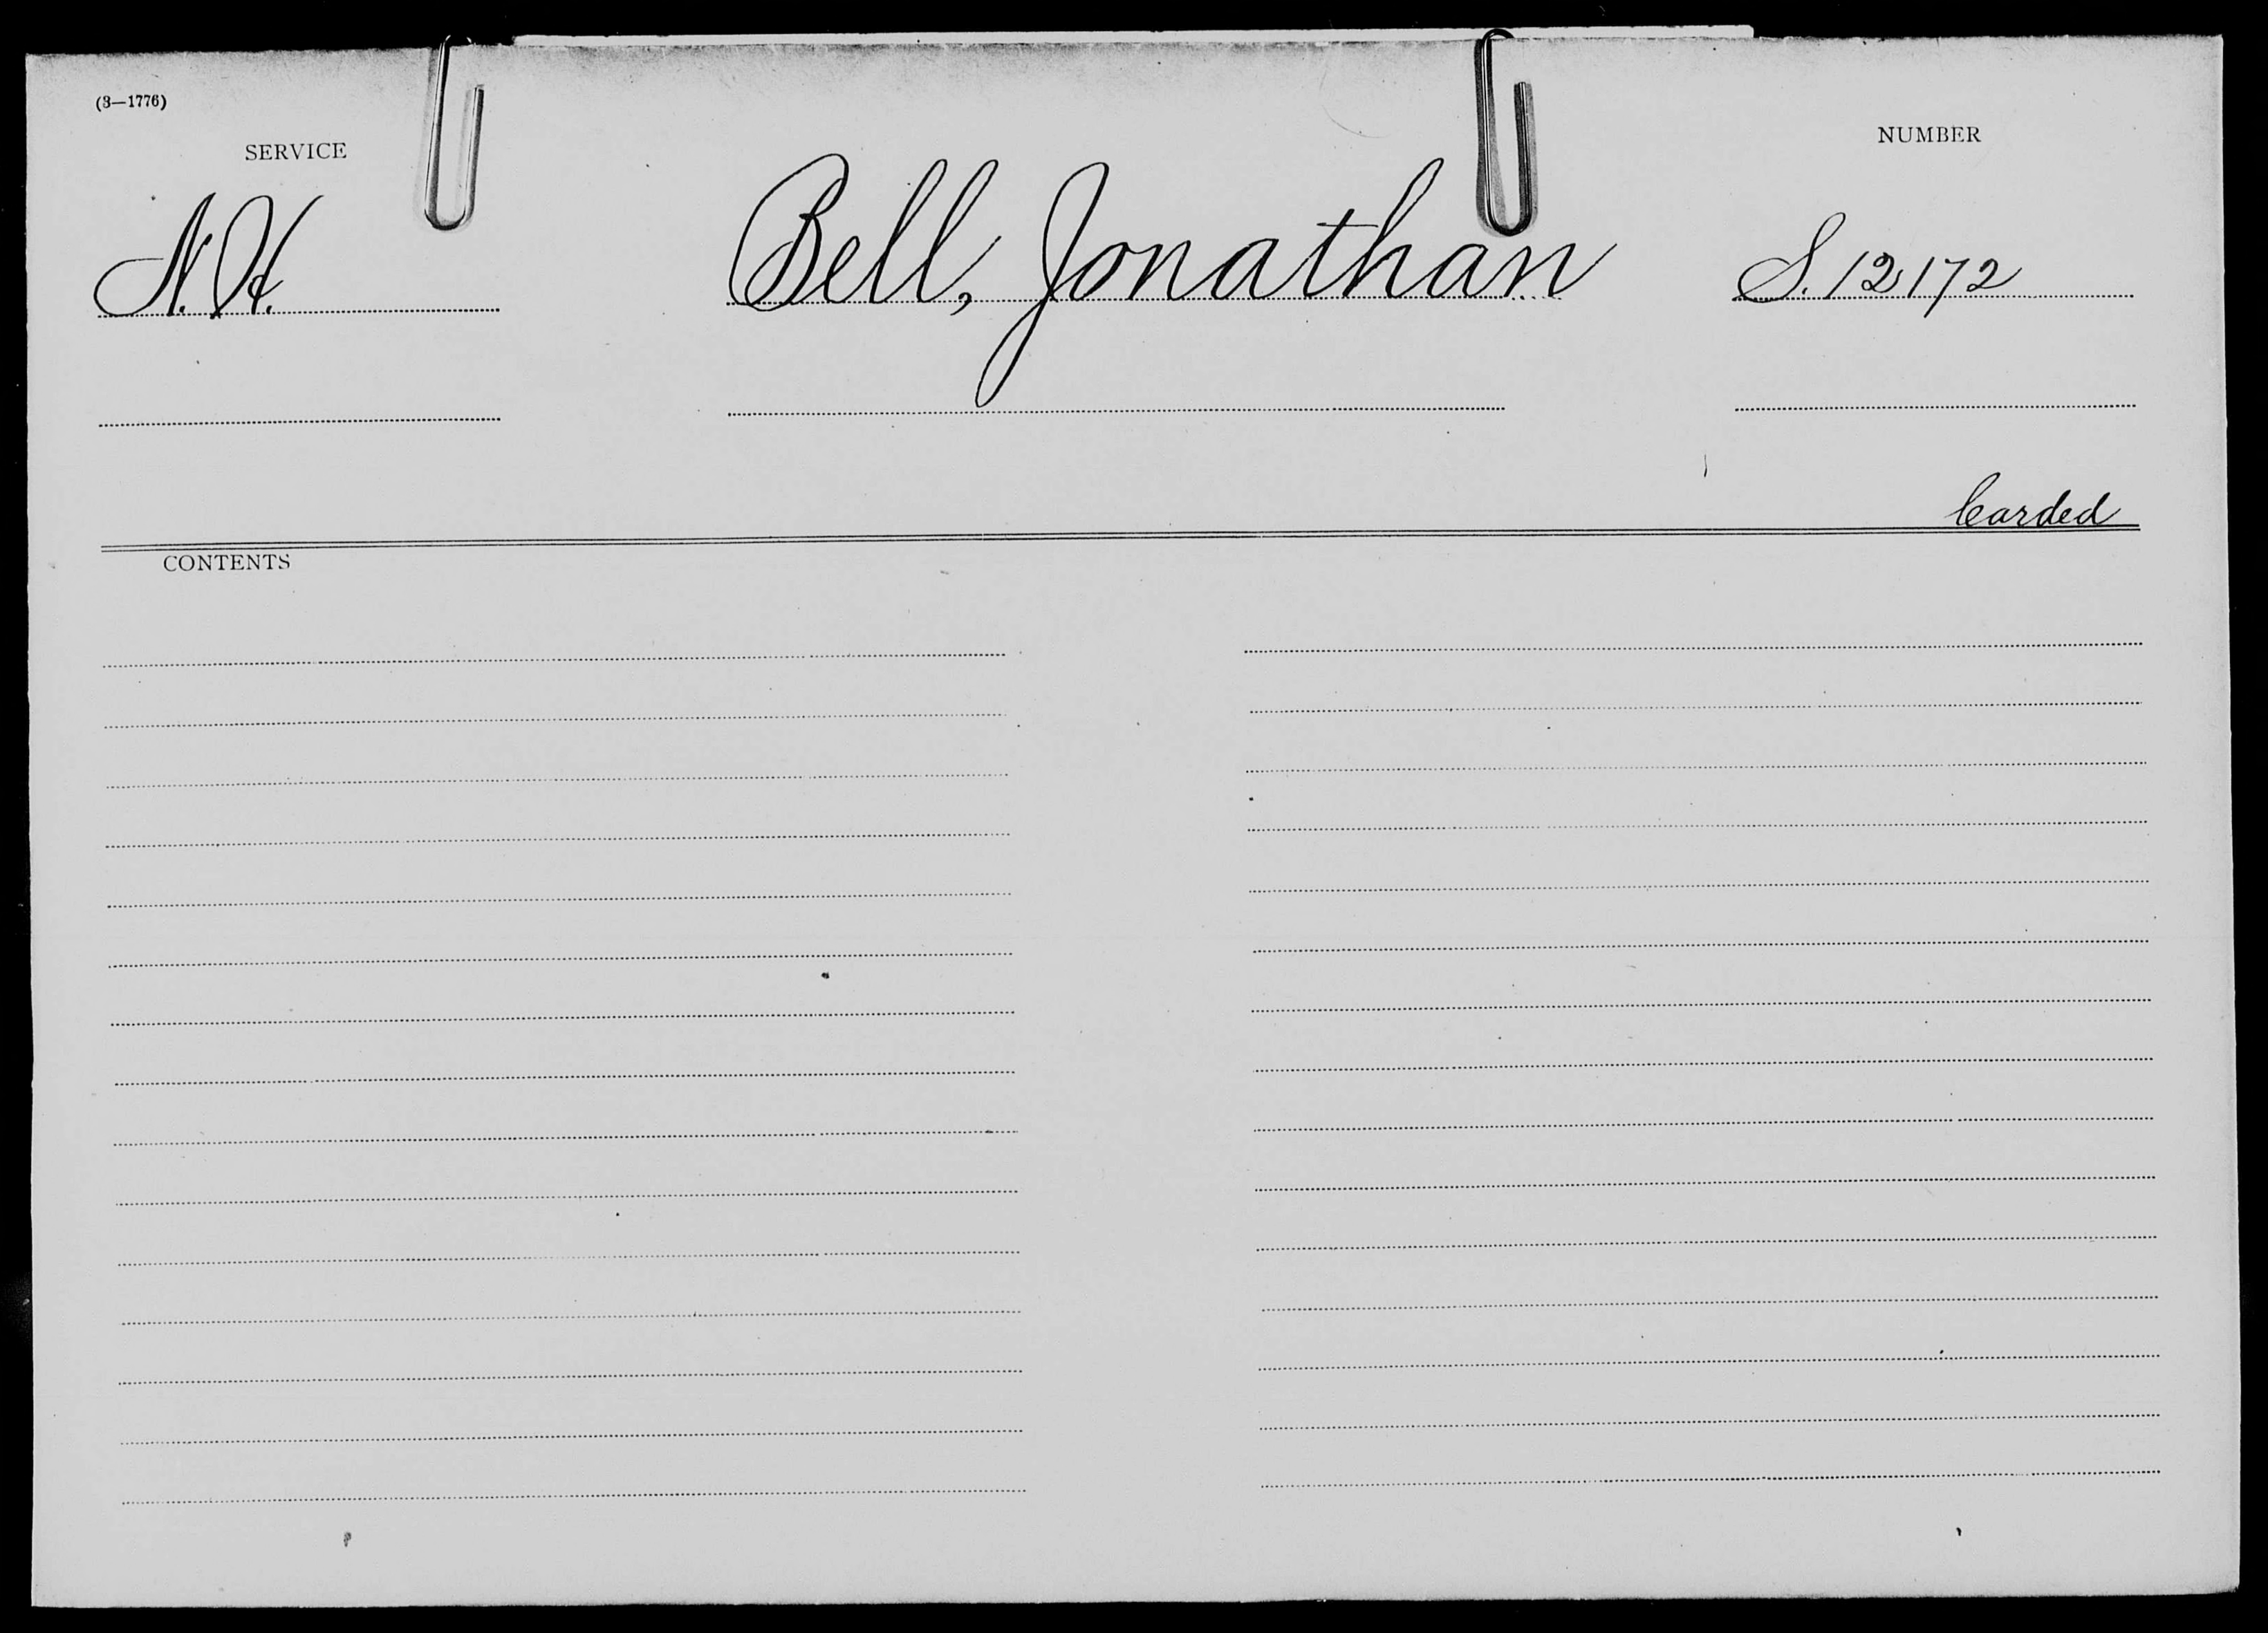(3-1776)

SERVICE
N.H.

Bell, Jonathan

NUMBER
S. 12,172

Carded

CONTENTS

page: 1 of 13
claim: survivor's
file: S. 12172, Jonathan Bell, N.H.